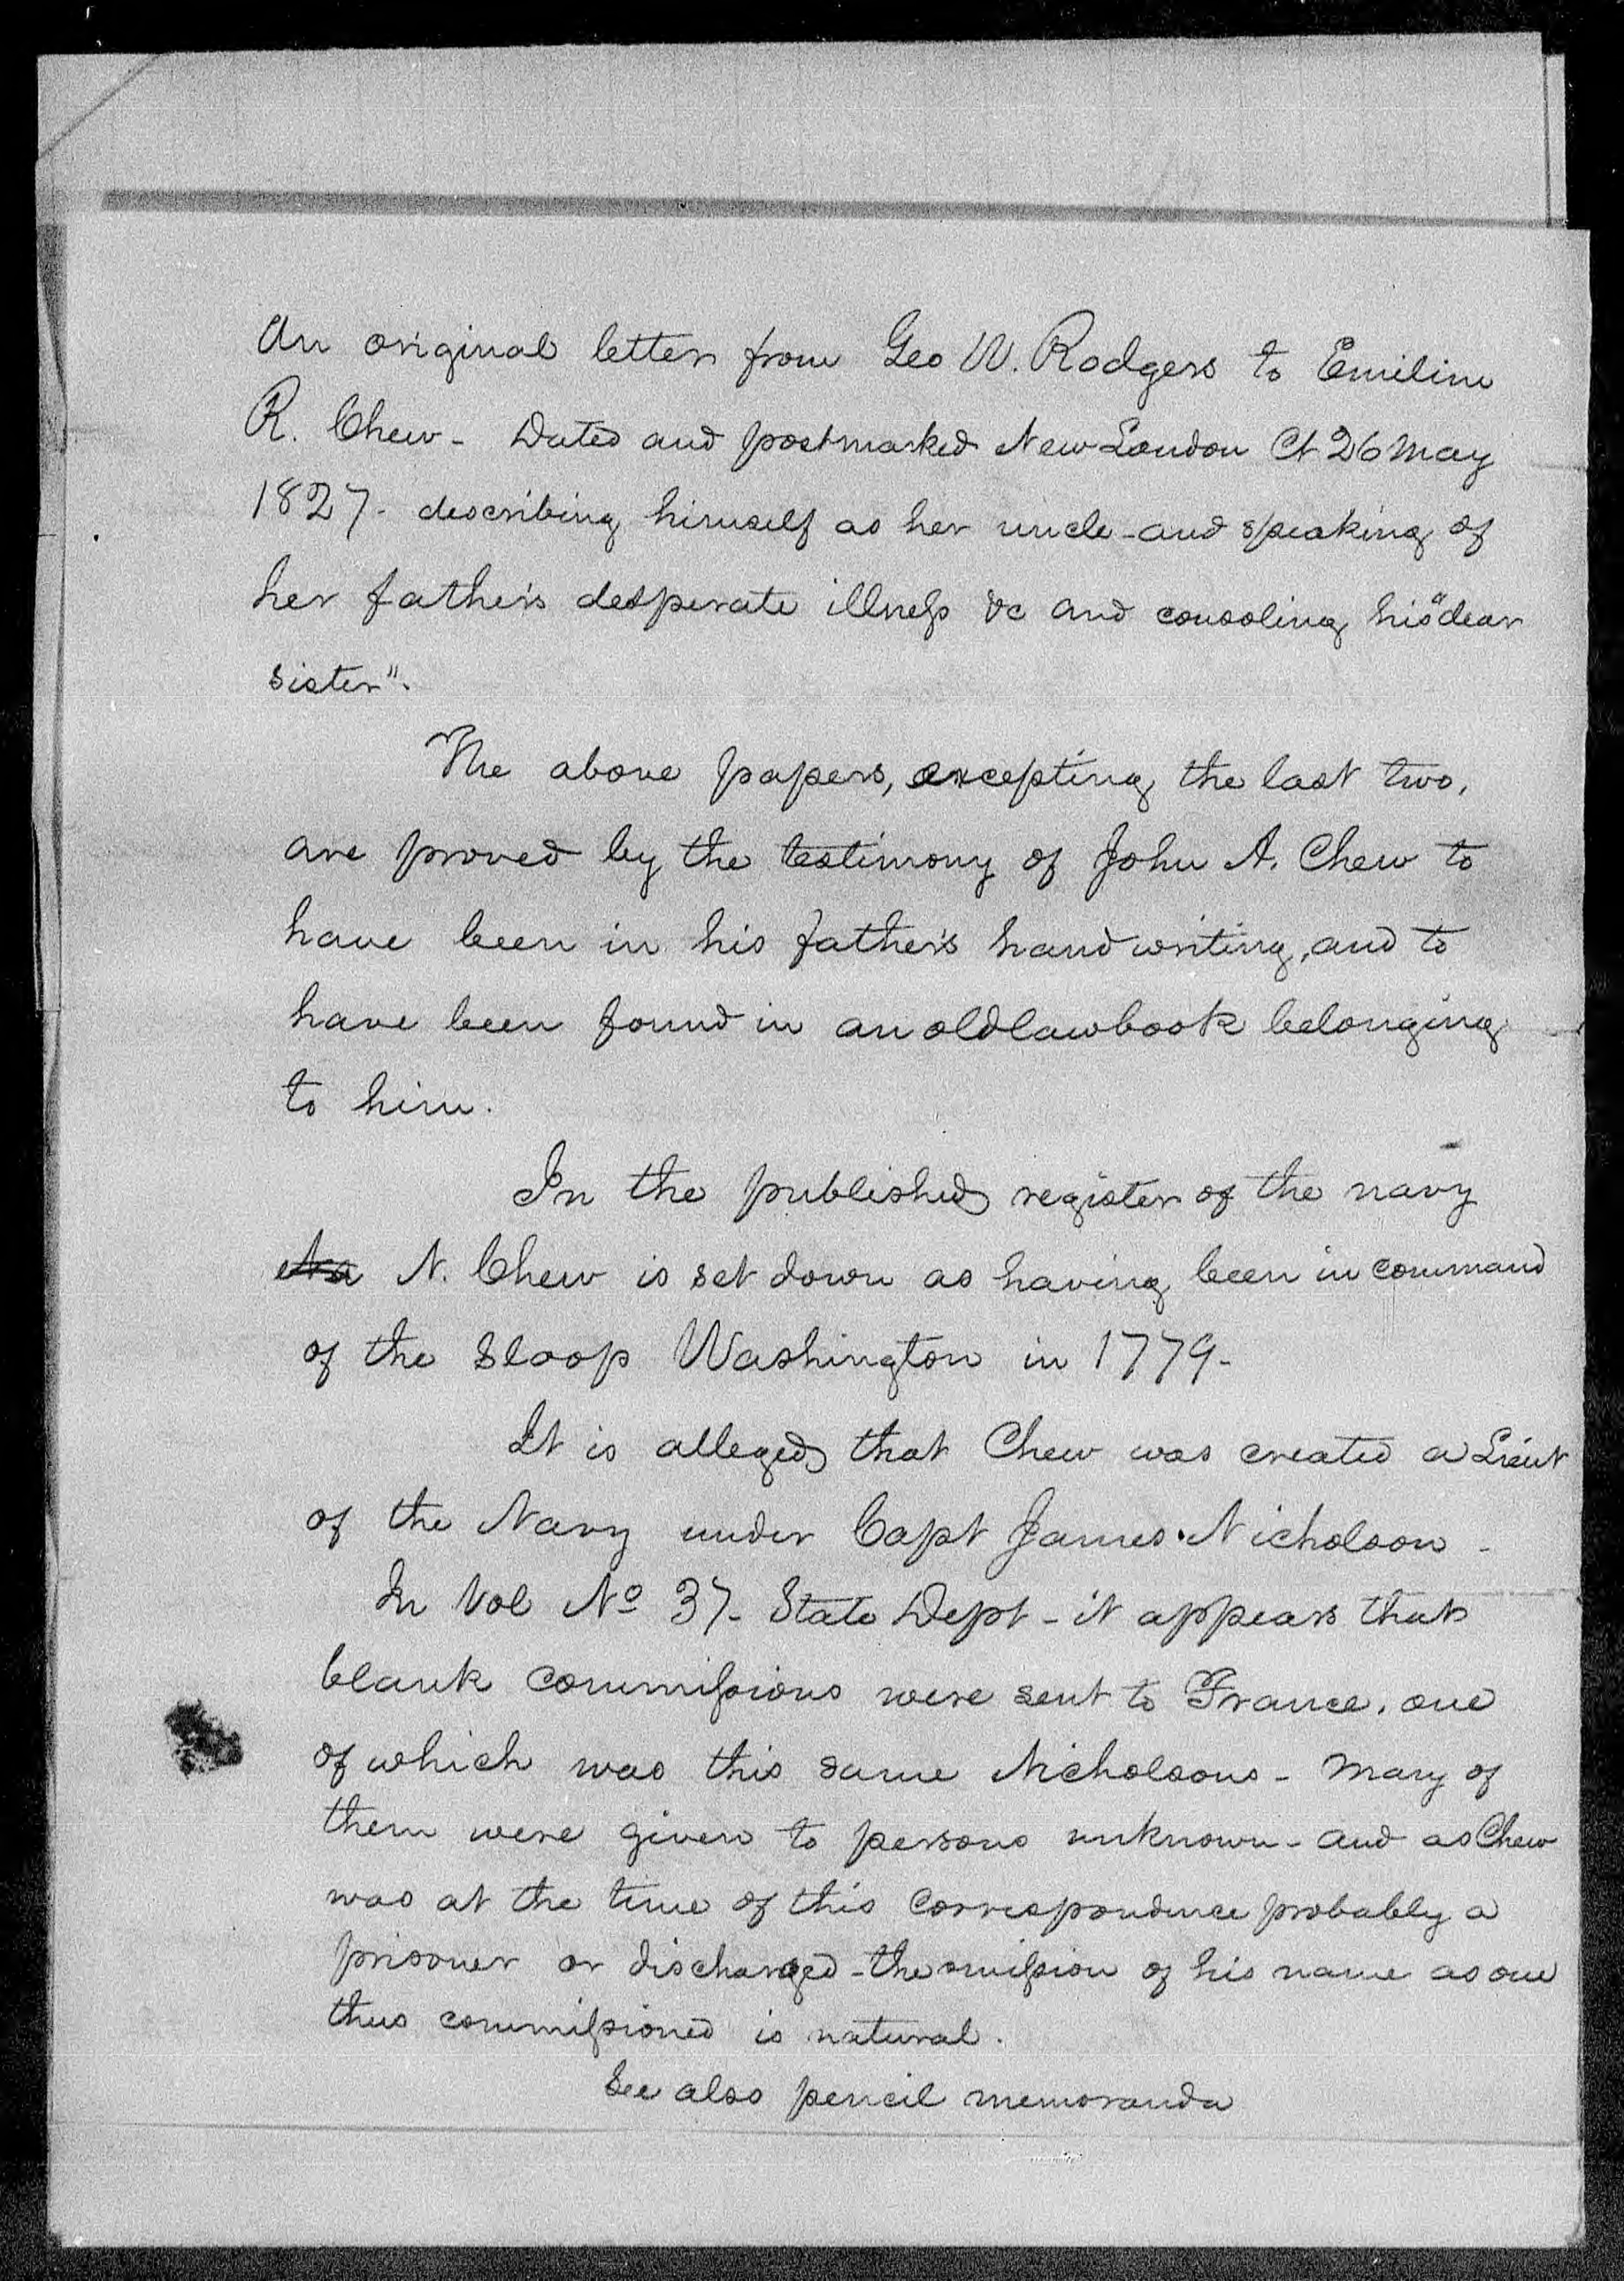An original letter form Geo W. Rodgers to Emiline R. Chew - Dated and postmarked New London Ct 16 May 1827 - describing himself as her uncle - and speaking of her father's desperate illness & c and consoling his "dear sister".
The above papers, excepting the last two, are proved by the testimony of John A. Chew to have been in his father's handwriting, and to have been found in an old law book belonging to him.
In the published register of the navy [crossed out Na] N. Chew is set down as having been in command of the Sloop Washington in 1779 - 
It is alleged that chew was created a Lieut of the Navy under Capt James Nicholson - in Vol NO 37 - State Dept - it appears that blank commissions were sent to France, one of which was this same Nicholsons - Many of them were given to persons unknown - and as Chew was at the time of this correspondence probably a prisoner or discharged - the inclusion of his name as one thus commissioned is natural. 
See also pencil memoranda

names: Mary, Chew, Nicholson, N Chew, Chew, Emiline R Chew, Geo W Rodgers, John A Chew, James Nicholson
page: 40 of 59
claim: widow's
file: W. 9383, Nathaniel Chew, Navy (Md.)